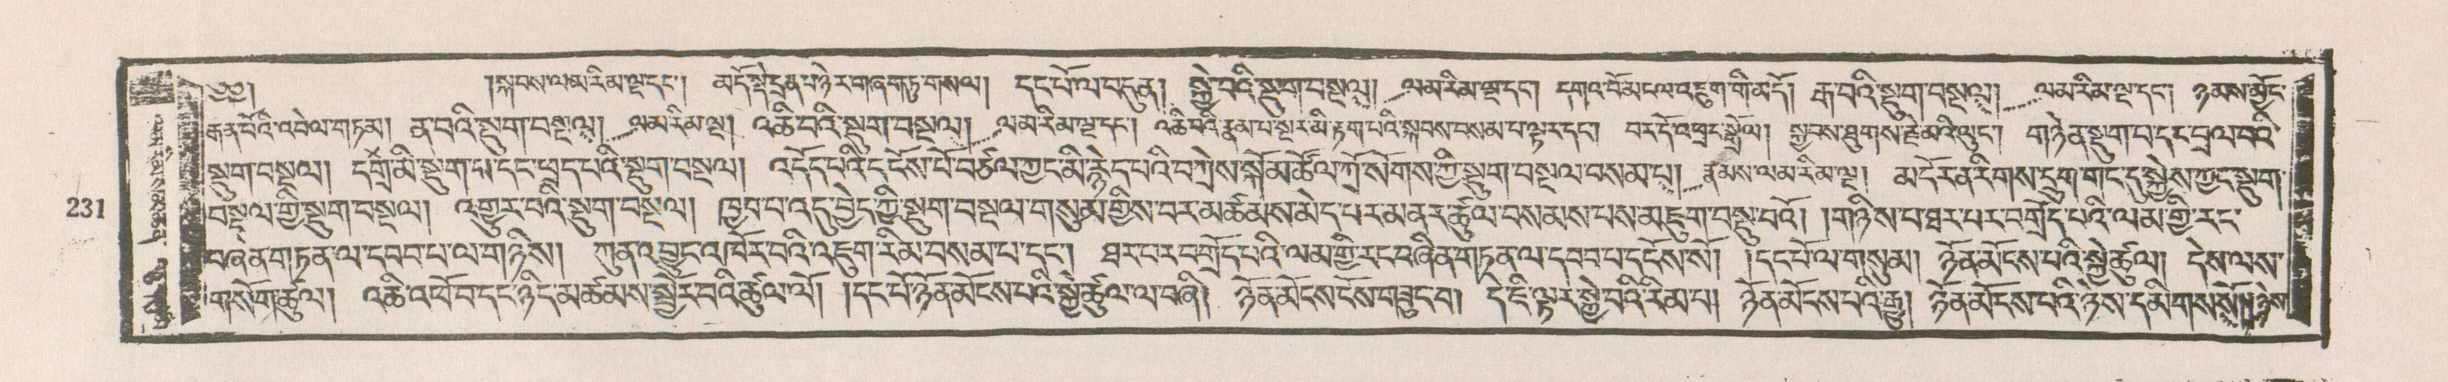༄༅། ། སྐབས་ལམ་རིམ་ལྔ་དང་། མདོ་སྡེ་དྲན་པ་ཉེར་གཞག་ཏུ་གསལ།  དང་པོ་ལ་བདུན། སྐྱེ་བའི་སྡུག་བསྔལ། ལམ་རིམ་ལྔ་དང་། དགའ་བོ་མངལ་འཇུག་གི་མདོ།  རྒ་བའི་སྡུག་བསྔལ། ལམ་རིམ་ལྔ་དང་། ཉམས་མྱོང
རྒན་པོའི་འབེལ་གཏམ།  ན་བའི་སྡུག་བསྔལ། ལམ་རིམ་ལྔ།  འཆི་བའི་སྡུག་བསྔལ། ལམ་རིམ་ལྔ་དང་། འཆི་བའི་རྣམ་པ་སྔར་མི་རྟག་པའི་སྐབས་བསམ་པ་ལྟར་དང་། བར་དོ་འཕྲང་སྒྲོལ། སྐྱབས་ཐུགས་རྗེ་མའི་ལུང་།  གཉེན་སྡུག་པ་དང་བྲལ་བའི་
སྡུག་བསྔལ། དག་མི་སྡུག་པ་དང་ཕྲད་པའི་སྡུག་བསྔལ། འདོད་པའི་དངོས་པོ་བཙལ་ཀྱང་མི་རྙེད་པའི་བཀྲེས་སྐོམ་ཚོལ་ཁྲོ་སོགས་ཀྱི་སྡུག་བསྔལ་བསམ་པ། རྣམས་ལམ་རིམ་ལྔ།  མདོར་ན་རིགས་དྲུག་གང་དུ་སྐྱེས་ཀྱང་སྡུག་
བསྔལ་གྱི་སྡུག་བསྔལ། འགྱུར་བའི་སྡུག་བསྔལ། ཁྱབ་པ་འདུ་བྱེད་ཀྱི་སྡུག་བསྔལ་གསུམ་གྱིས་བར་མཚམས་མེད་པར་མནར་ཚུལ་བསམས་པས་མཇུག་བསྡུ་བའོ། །གཉིས་པ་ཐར་པར་བགྲོད་པའི་ལམ་གྱི་རང་
བཞིན་གཏན་ལ་དབབ་པ་ལ་གཉིས། ཀུན་འབྱུང་འཁོར་བའི་འཇུག་རིམ་བསམ་པ་དང་། ཐར་པར་བགྲོད་པའི་ལམ་གྱི་རང་བཞིན་གཏན་ལ་དབབ་པ་དངོས་སོ། །དང་པོ་ལ་གསུམ། ཉོན་མོངས་པའི་སྐྱེ་ཚུལ། དེས་ལས་
གསོག་ཚུལ། འཆི་འཕོ་བ་དང་ཉིང་མཚམས་སྦྱོར་བའི་ཚུལ་ལོ། །དང་པོ་ཉོན་མོངས་པའི་སྐྱེ་ཚུལ་ལ་བཞི། ཉོན་མོངས་ངོས་གཟུང་བ། དེ་ཇི་ལྟར་སྐྱེ་བའི་རིམ་པ། ཉོན་མོངས་པའི་རྒྱུ། ཉོན་མོངས་པའི་ཉེས་དམིགས་སོ། ། ཉེས